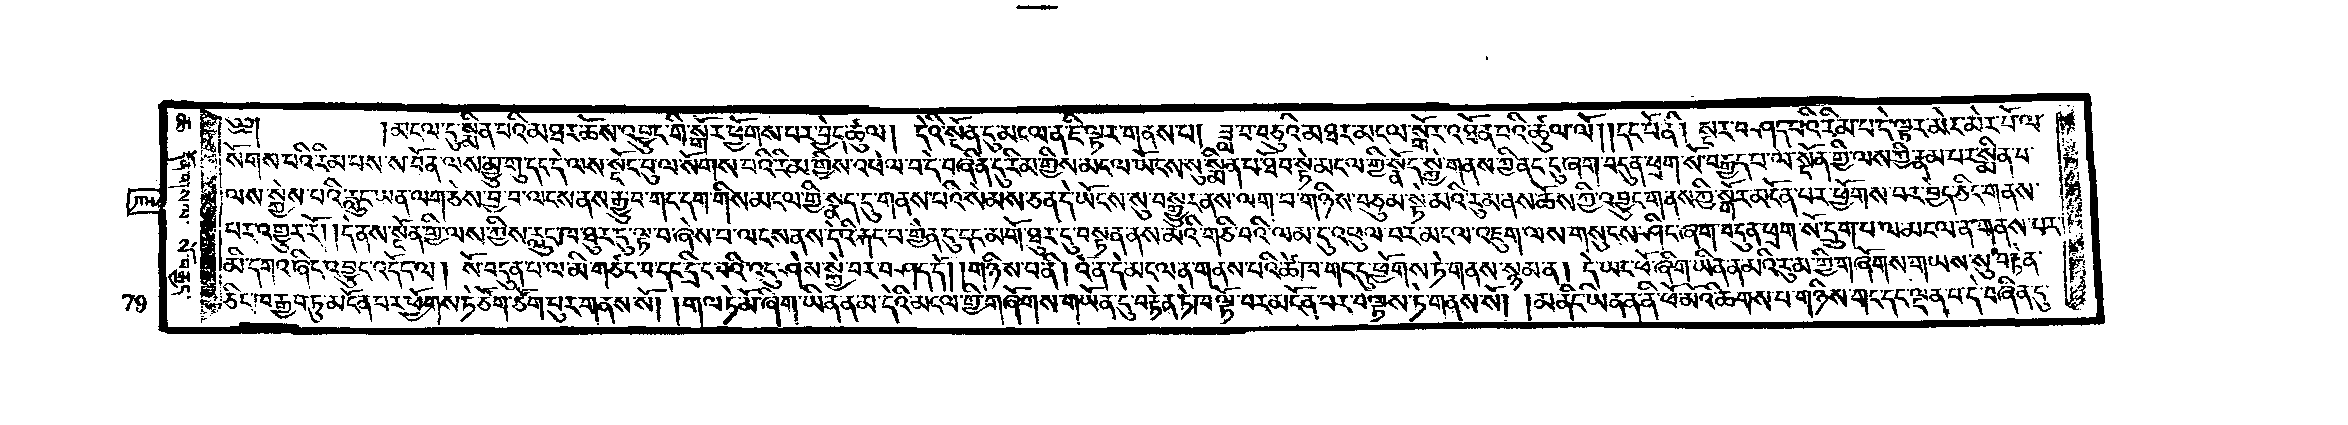༄༅། །མངལ་དུ་སྨིན་པའི་མཐར་ཆོས་འབྱུང་གི་སྒོར་ཕྱོགས་པར་བྱེད་ཚུལ། དེའི་སྔོན་དུ་མངལ་ན་ཇི་ལྟར་གནས་པ། ཟླ་བ་བཅུའི་མཐར་མངལ་སྒོར་འཐོན་པའི་ཚུལ་ལོ། །དང་པོ་ནི། སྔར་བཤད་པའི་རིམ་པ་དེ་ལྟར་མེར་མེར་པོ་ལ་
སོགས་པའི་རིམ་པས་ས་བོན་ལས་མྱུ་གུ་དང་དེ་ལས་སྡོང་བུ་ལ་སོགས་པའི་རིམ་གྱིས་འཕེལ་བ་དེ་བཞིན་དུ་རིམ་གྱིས་མངལ་ཡོངས་སུ་སྨིན་པ་ཐོབ་སྟེ་མངལ་གྱི་སྣོད་སྐྱེ་གནས་ཀྱི་ནང་དུ་ཞག་བདུན་ཕྲག་སོ་བརྒྱད་པ་ལ་སྔོན་གྱི་ལས་ཀྱི་རྣམ་པར་སྨིན་པ་
ལས་སྐྱེས་པའི་རླུང་ཡན་ལག་ཅེས་བྱ་བ་ལངས་ནས་རྒྱུ་བ་གང་དག་གིས་མངལ་གྱི་སྣོད་དུ་གནས་པའི་སེམས་ཅན་དེ་ཡོངས་སུ་བསྒྱུར་ནས་ལག་པ་གཉིས་བཅུམ་སྟེ་མའི་རུམ་ནས་ཆོས་ཀྱི་འབྱུང་གནས་ཀྱི་སྒོར་མངོན་པར་ཕྱོགས་བར་བྱེད་ཅིང་གནས་
པར་འགྱུར་རོ། །དེ་ནས་སྔོན་གྱི་ལས་ཀྱིས་རླུང་ཁ་ཐུར་དུ་ལྟ་བ་ཞེས་པ་ལངས་ནས་དེའི་རྐང་པ་གྱེན་དུ་དང་མགོ་ཐུར་དུ་བསྟན་ནས་མའི་གཅི་བའི་ལམ་དུ་འཕུལ་བར་མངལ་འཇུག་ལས་གསུངས་ཤིང་ཞག་བདུན་ཕྲག་སོ་དྲུག་པ་ལ་མངལ་ན་གནས་པར་
མི་དགའ་ཞིང་འབྱུང་འདོད་ལ། སོ་བདུན་པ་ལ་མི་གཙང་བ་དང་དྲི་ང་བའི་འདུ་ཤེས་སྐྱེ་བར་བཤད་དོ། །གཉིས་པ་ནི། འོ་ན་དེ་མངལ་ན་གནས་པའི་ཚེ་ཁ་གང་དུ་ཕྱོགས་ཏེ་གནས་སྙམ་ན། དེ་ཡང་ཕོ་ཞིག་ཡིན་ན་མའི་རུམ་གྱི་གཞོགས་གཡས་སུ་བརྟེན་
ཅིང་ཁ་རྒྱབ་ཏུ་མངོན་པར་ཕྱོགས་ཏེ་ཙོག་ཙོག་པུར་གནས་སོ། །གལ་ཏེ་མོ་ཞིག་ཡིན་ན་མ་དེའི་མངལ་གྱི་གཞོགས་གཡོན་དུ་བརྟེན་ཏེ་ཁ་ལྟོ་བར་མངོན་པར་བལྟས་ཏེ་གནས་སོ། །མ་ནིང་ཡིན་ན་ནི་ཕོ་མོའི་ཆགས་པ་གཉིས་གང་དང་ལྡན་པ་དེ་བཞིན་དུ་